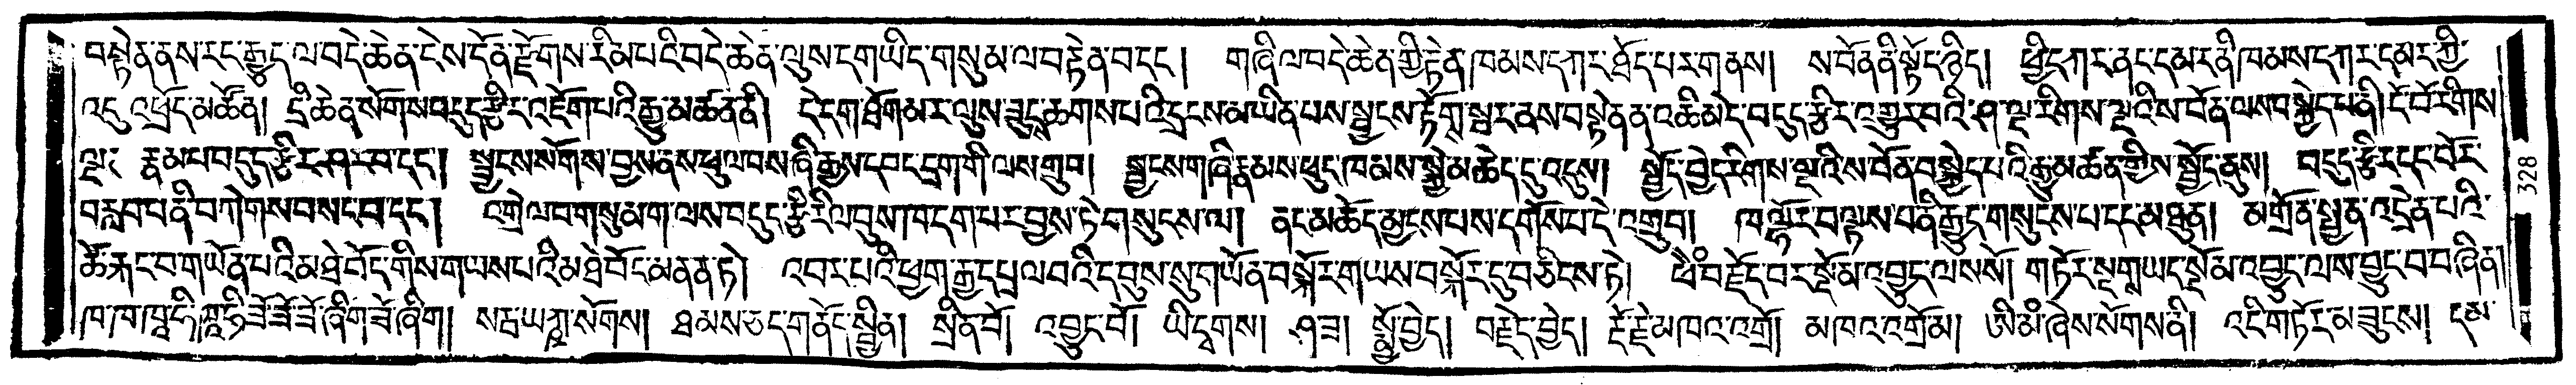བསྟེན་ནས་རང་རྒྱུད་ལ་བདེ་ཆེན་ངེས་དོན་རྫོགས་རིམ་པའི་བདེ་ཆེན་ལུས་ངག་ཡིད་གསུམ་ལ་བརྟེན་བ་དང་། གཞི་ལ་བདེ་ཆེན་གྱི་རྟེན་ཁམས་དཀར་ཐོད་པར་གནས། ས་བོན་ནི་སྟོང་ཉིད། ཕྱི་དཀར་ནང་དམར་ནི་ཁམས་དཀར་དམར་གྱི་
འདུ་འཕྲོད་མཚོན། དྲི་ཆེན་སོགས་བདུད་རྩིར་འཇོག་པའི་རྒྱུ་མཚན་ནི། དེ་དག་ཐོག་མར་ལུས་ཟུངས་ཆགས་པའི་དྲངས་མ་ཡིན་པས་སྦྱངས་རྟོགས་སྦར་ནས་བསྟེན་ན་འཆི་མེད་བདུད་རྩིར་འགྱུར་བའི་ཤ་ལྔ་རིགས་ལྔའི་ས་བོན་ལས་བསྐྱེད་པ་ནི། ངོ་བོ་རིགས་
ལྔ༑ རྣམ་པ་བདུད་རྩིར་ཤར་བ་དང་། སྦྱངས་སོགས་བྱས་ནས་ཕུལ་བས་ཞི་རྒྱས་དབང་དྲག་གི་ལས་གྲུབ། སྦྱངས་གཞི་རྣམས་ཕུང་ཁམས་སྐྱེ་མཆེད་དུ་འདུས། སྦྱོད་བྱེད་རིགས་ལྔའི་ས་བོན་བསྐྱེད་པའི་རྒྱུ་མཚན་གྱིས་སྤྱོད་ནུས། བདུད་རྩིར་དང་པོར་
བརླབ་པ་ནི་བགེགས་བསང་བ་དང་། འགྲེལ་བ་གསུམ་ག་ལས་བདུད་རྩི་རིལ་བུས་ཁ་དག་པར་བྱས་ཏེ་གསུངས་ལ། ནང་མཆོད་མྱངས་པས་དགོས་པ་དེ་འགྲུབ། ཁ་ལྷོར་བལྟས་པ་ནི་རྒྱུད་གསུངས་པ་དང་མཐུན། མགྲོན་སྤྱན་འདྲེན་པའི་
ཚེ་རྐང་བ་གཡོན་པའི་མཐེ་བོང་གིས་གཡས་པའི་མཐེ་བོང་མནན་ཏེ། འབར་པའི་ཕྱག་རྒྱ་དཔྲལ་བའི་དབུས་སུ་གཡོན་བསྐོར་གཡས་བསྐོར་དུ་བཅིངས་ཏེ། ཕཻཾ་བརྗོད་བར་སྡོམ་འབྱུང་ལས་སོ། གཏོར་སྔགས་ཡང་སྡོམ་འབྱུང་ལས་བྱུང་བ་བཞིན།
ཁ་ཁ་ཁཱ་ཧི་ཁཱ་ཧི་ཟོ་ཟོ་ཟོ་ཞིག་ཟོ་ཞིག། སརྦ་ཡཀྵ་སོགས། ཐམས་ཅད་གནོད་སྦྱིན། སྲིན་བོ། འབྱུང་པོ། ཡི་དྭགས། ཤ་ཟ། སྨྱོ་བྱེད། བརྗེད་བྱེད། རྡོ་རྗེ་མཁའ་འགྲོ། མཁའ་འགྲོ་མ། ཨི་མཾ་ཞེས་སོགས་ནི། འཇིག་ཏོར་མ་ཟུངས། དམ་